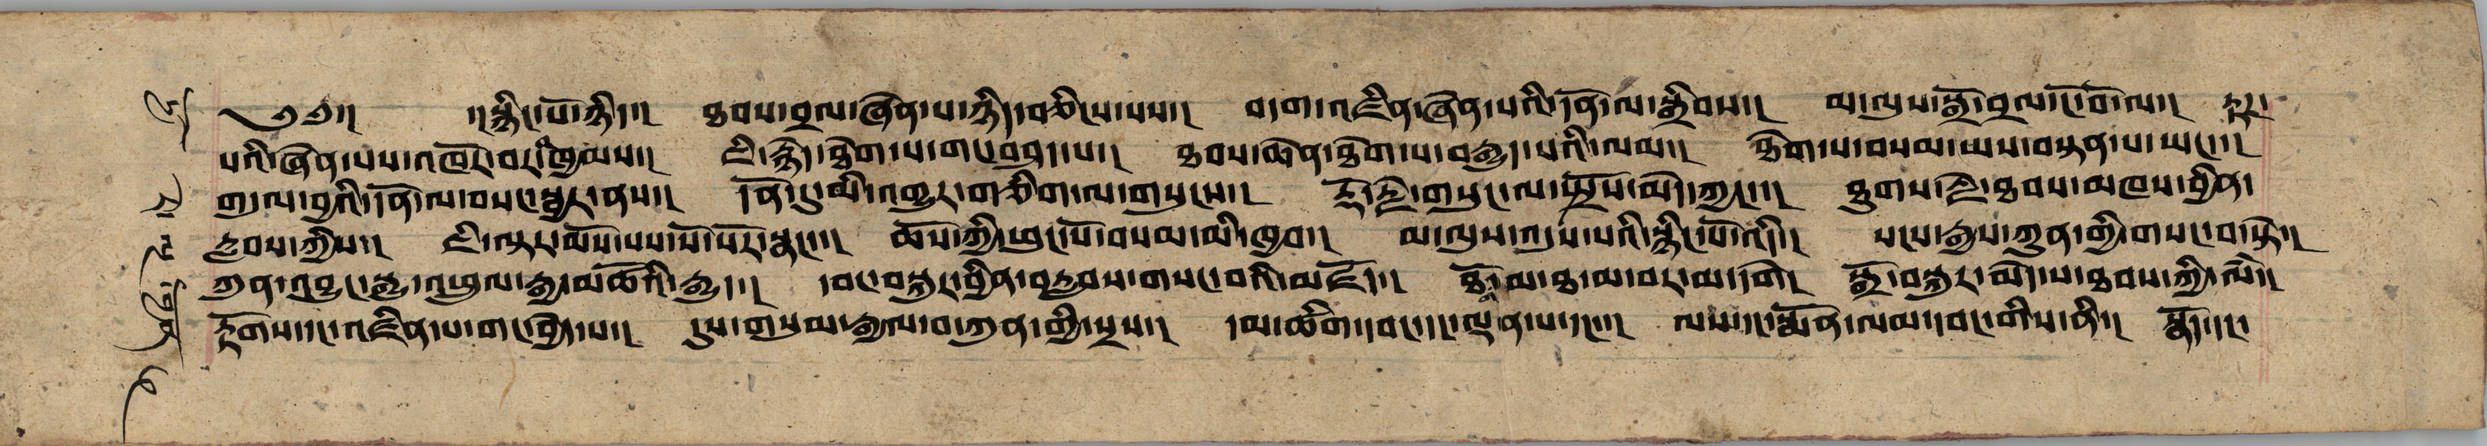༄༅་། ་།སྙིང་པོ་ཉིད་། ཐབས་བྲལ་ཞེན་པ་ཉིད་བཅིངས་པས་། བདག་འཛིན་ཞེན་པའི་དོན་ལ་སྒྲིབས་། མ་ལུས་སྒྲོ་བྲལ་ངོ་བོ་ལ་། རྟཌ་
པའི་ཞེན་པས་འཁོར་བར་འཁྱམས་། ཇི་སྙེད་ཐེག་པ་གང་བཤད་པ་། ཐབའ་ཆེན་ཐེག་པ་བརྒྱུད་པའི་ལམ་། ཐེག་པ་བསམ་ཡས་བསྟན་པ་ཡང་་།
གདུལ་བྱའི་དོན་ལ་བསང་སྦྱར་ནས་། དོན་དུ་མི་འགྱུར་གཅིག་ལ་གསུངས་། རྡོ་རྗེ་གསུང་ལ་སྤྲོས་མེད་ཀྱང་། ཐུགས་རྗེ་ཐབས་མཁས་བྱིན་
རླབས་ཀྱིས་། ཇི་ལྟར་མོས་པས་སོ་སོར་སྣང་་། ཆོས་ཀྱི་ཕུང་པོ་བསམ་མི་ཁྱབ་། མ་ལུས་འདུས་པའི་སྙིང་པོ་འདི་། སངས་རྒྱས་ཀུན་གྱི་གསང་བ་སྟེ་།
ཀུན་འབྱུང་སྒྱུ་འཕྲུལ་རྒྱ་མཚོའི་རྒྱུད་། དབང་བསྐུར་བྱིན་བརླབས་གསང་བའི་མཛོད་། ཐོག་མ་ཐ་མ་བར་མ་དགེ། སྒྲོ་བསྐུར་མེད་པ་ཐབས་ཀྱི་ལཾ་།
རྟོགས་དང་འཛིན་པ་གང་བྱེད་པ་། དུས་གསུམ་རྒྱལ་བ་ཀུན་གྱི་སྲས་། དམ་ཚིག་དབང་དང་ལྡན་པ་དང་་། ལས་དང་སྨོན་ལམ་དབང་གིས་ནི་། སྣོད་དང་